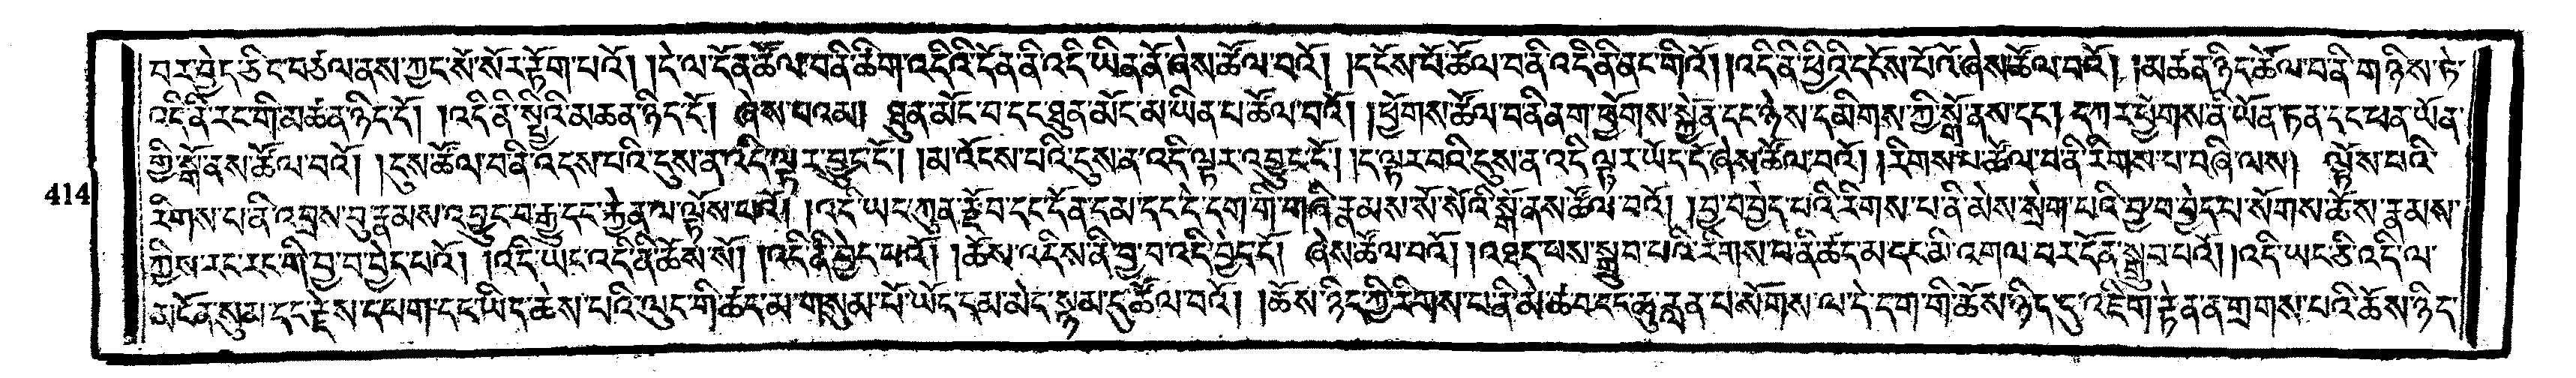བར་བྱེད་ཅིང་བཙལ་ནས་ཀྱང་སོ་སོར་རྟོག་པའོ། །དེ་ལ་དོན་ཚོལ་བ་ནི་ཚིག་འདིའི་དོན་ནི་འདི་ཡིན་ནོ་ཞེས་ཚོལ་བའོ། །དངོས་པོ་ཚོལ་བ་ནི་འདི་ནི་ནང་གིའོ། །འདི་ནི་ཕྱིའི་དངོས་པོའོ་ཞེས་ཚོལ་བའོ། །མཚན་ཉིད་ཚོལ་བ་ནི་གཉིས་ཏེ་
འདི་ནི་རང་གི་མཚན་ཉིད་དོ། །འདི་ནི་སྤྱིའི་མཆན་ཉིད་དོ། ཞེས་པའམ། ཐུན་མོང་བ་དང་ཐུན་མོང་མ་ཡིན་པ་ཚོལ་བའོ། །ཕྱོགས་ཚོལ་བ་ནི་ནག་ཕྱོགས་སྐྱོན་དང་ཉེས་དམིགས་ཀྱི་སྒོ་ནས་དང་། དཀར་ཕྱོགས་ནི་ཡོན་ཏན་དང་ཕན་ཡོན་
གྱི་སྒོ་ནས་ཚོལ་བའོ། །དུས་ཚོལ་བ་ནི་འདས་པའི་དུས་ན་འདི་ལྟར་བྱུང་ངོ། །མ་འོངས་པའི་དུས་ན་འདི་ལྟར་འབྱུང་ངོ། །ད་ལྟར་བའི་དུས་ན་འདི་ལྟར་ཡོད་དོ་ཞེས་ཚོལ་བའོ། །རིགས་པ་ཚོལ་བ་ནི་རིགས་པ་བཞི་ལས། ལྟོས་པའི་
རིགས་པ་ནི་འབྲས་བུ་རྣམས་འབྱུང་བ་རྒྱུ་དང་རྐྱེན་ལ་ལྟོས་པའོ། །འདི་ཡང་ཀུན་རྫོབ་དང་དོན་དམ་དང་དེ་དག་གི་གཞི་རྣམས་སོ་སོའི་སྒོ་ནས་ཚོལ་བའོ། །བྱ་བ་བྱེད་པའི་རིགས་པ་ནི་མེས་སྲེག་པའི་བྱ་བ་བྱེད་པ་སོགས་ཆོས་རྣམས་
ཀྱིས་རང་རང་གི་བྱ་བ་བྱེད་པའོ། །འདི་ཡང་འདི་ནི་ཆོས་སོ། །འདི་ནི་བྱེད་པའོ། །ཆོས་འདིས་ནི་བྱ་བ་འདི་བྱེད་དོ། ཞེས་ཚུལ་བའོ། །འཐད་པས་སྒྲུབ་པའི་རིགས་པ་ནི་ཚད་མ་དང་མི་འགལ་བར་དོན་སྒྲུབ་པའོ། །འདི་ཡང་ཅི་འདི་ལ་
མངོན་སུམ་དང་རྗེས་དཔག་དང་ཡིད་ཆེས་པའི་ལུང་གི་ཚད་མ་གསུམ་པོ་ཡོད་དམ་མེད་སྙམ་དུ་ཚོལ་བའོ། །ཆོས་ཉིད་ཀྱི་རིགས་པ་ནི་མེ་ཚབ་དང་ཆུ་རླན་པ་སོགས་ལ་དེ་དག་གི་ཆོས་ཉིད་དུ་འཇིག་རྟེན་ན་གྲགས་པའི་ཆོས་ཉིད་